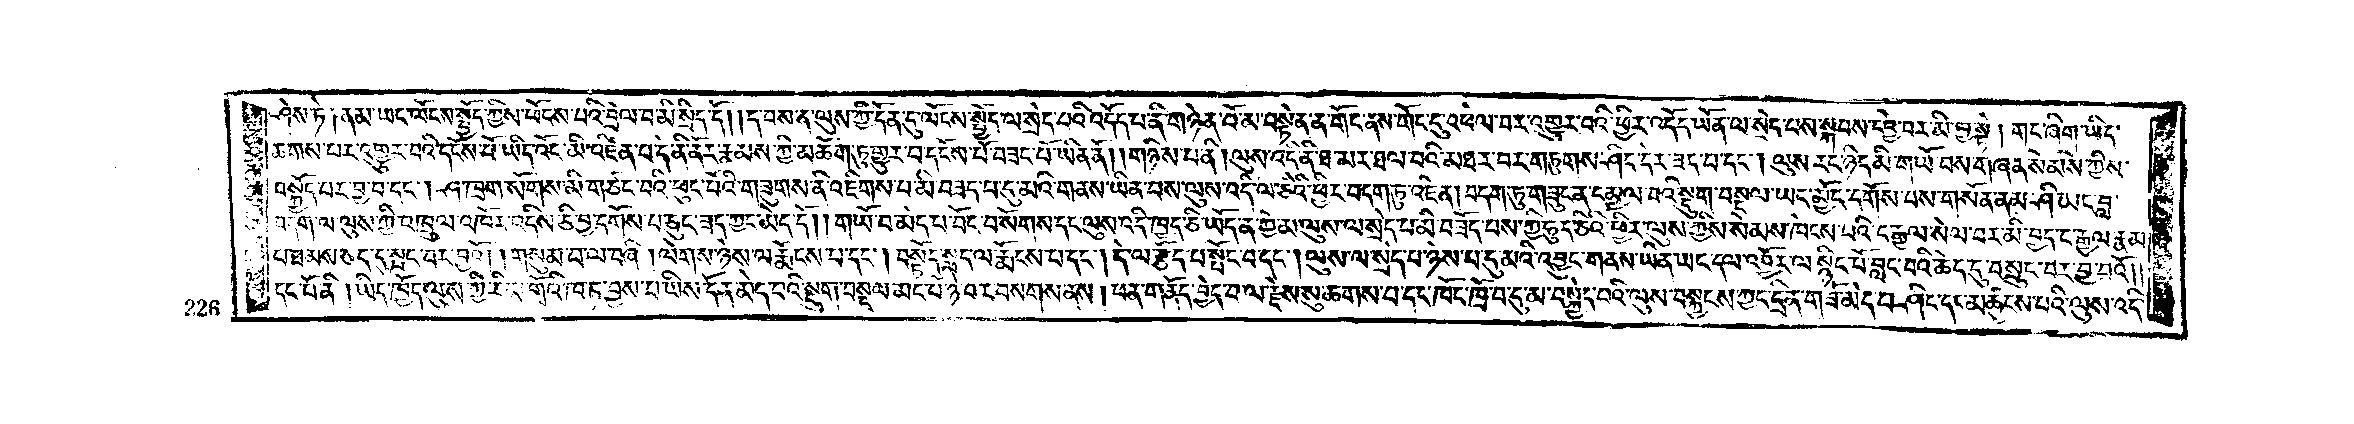ཤེས་ཏེ། ནམ་ཡང་ལོངས་སྤྱོད་ཀྱིས་ཕོངས་པའི་བྲེལ་བ་མི་སྲིད་དོ། །ད་བས་ན་ལུས་ཀྱི་དོན་དུ་ལོངས་སྤྱོད་ལ་སྲེད་པའི་འདོད་པ་ནི་གཉེན་པོ་མ་བསྟེན་ན་གོང་ནས་གོང་དུ་འཕེལ་བར་འགྱུར་བའི་ཕྱིར་འདོད་ཡོན་ལ་སྲེད་པས་སྐབས་དབྱེ་བར་མི་བྱ་སྟེ། གང་ཞིག་ཡིད་
ཆགས་པར་འགྱུར་བའི་དངོས་པོ་ཡིད་འོང་མི་འཛིན་པ་དེ་ནི་ནོར་རྣམས་ཀྱི་མཆོག་ཏུ་གྱུར་པ་དངོས་པོ་བཟང་པོ་ཡིན་ནོ། །གཉིས་པ་ནི། ལུས་འདི་ནི་ཐ་མར་ཐལ་བའི་མཐར་པར་གྪུ་ཤིང་དེར་ཟད་པ་དང་། ལུས་རང་ཉིད་མི་གཡོ་བས་གཞན་སེམས་ཀྱིས་
བསྐྱོད་པར་བྱ་བ་དང་། ཤ་ཁྲག་སོགས་མི་གཙང་བའི་ཕུང་པོའི་གཟུགས་ནི་འཇིགས་པ་མི་བཟད་པ་དུ་མའི་གནས་ཡིན་པས་ལུས་འདི་ལ་ཅིའི་ཕྱིར་བདག་ཏུ་འཛིན། བདག་ཏུ་གཟུང་ན་དམྱལ་བའི་སྡུག་བསྔལ་ཡང་མྱོང་དགོས་པས་གསོན་ནམ་ཤི་ཡང་བླ་
བདག་ལ་ལུས་ཀྱི་འཁྲུལ་འཁོར་འདིས་ཅི་བྱ་དགོས་པ་ཅུང་ཟད་ཀྱང་མེད་དོ། །གཡོ་བ་མེད་པ་བོང་བ་སོགས་དང་ལུས་འདི་ཁྱད་ཅི་ཡོད་ན་ཀྱེ་མ་ལུས་ལ་སྲེད་པ་མི་བཟོད་པས་ཀྱི་ཧུད་ཅིའི་ལུས་ཀྱིས་སེམས་ཁེངས་པའི་ང་རྒྱལ་སེལ་བར་མི་བྱད་ང་རྒྱལ་རྣམ་
པ་ཐམས་ཅད་དུ་སྤང་བར་བྱའོ། །གསུམ་པ་ལ་བཞི། ལེགས་ཉེས་ལ་རྨོངས་པ་དང་། བསྟོད་སྨད་ལ་རྨོངས་པ་དང་། དེ་ལ་རྩོད་པ་སྤོང་བ་དང་། ལུས་ལ་སྲེད་པ་ཉེས་པ་དུ་མའི་འབྱུང་གནས་ཡིན་ཡང་དལ་འབྱོར་ལ་སྙིང་པོ་བླང་བའི་ཆེ་དུ་བསྲུང་བར་བྱ་བའོ། །
དང་པོ་ནི། ཡིད་ཁྱོད་ལུས་ལུས་ཀྱི་རིམ་གྲོའི་ཁ་ཏ་བྱས་པ་ཡིས་དོན་མེད་པའི་སྡུག་བསྔལ་མང་པོ་ཉེ་བར་བསགས་ནས། ཕན་གནོད་བྱེད་པ་ལ་རྗེས་སུ་ཆགས་པ་དང་ཁོང་ཁྲོ་བ་དུ་མ་བསྐྱེད་པའི་ལུས་བསྐྱངས་ཀྱང་དྲིན་གཟོ་མེད་པ་ཤིང་དང་མཚུངས་པའི་ལུས་འདི་